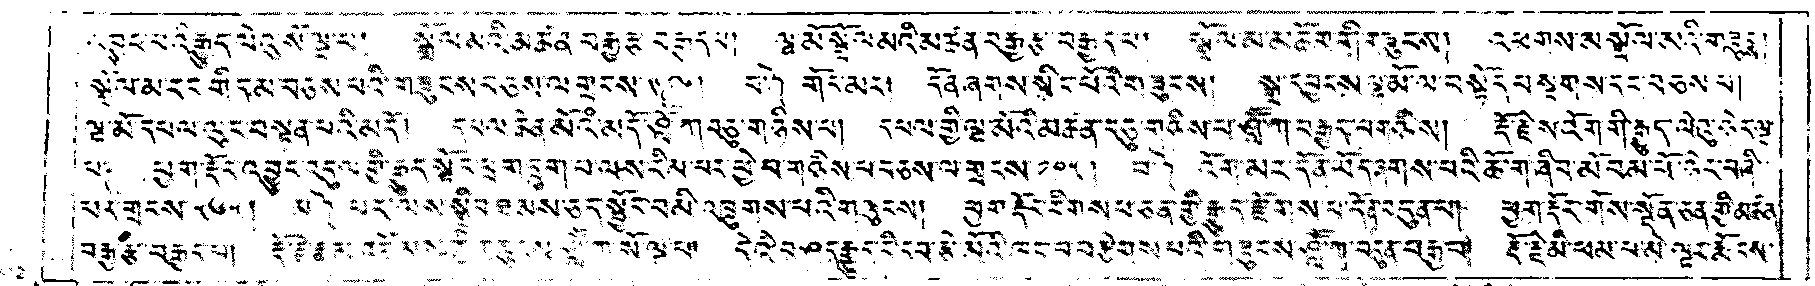འབྱུང་བའི་རྒྱུད་ལེའུ་སོ་ལྔ་པ། སྒྲོལ་མའི་མཚན་བརྒྱ་རྩ་བརྒྱད་པ། ལྷ་མོ་སྒྲོལ་མའི་མཚན་བརྒྱ་རྩ་བརྒྱད་པ། སྒྲོལ་མ་མཆོག་གི་གཟུངས། འཕགས་མ་སྒྲོལ་མའི་གཟུངས།
སྒྲོལ་མ་རང་གི་དམ་བཅས་པའི་གཟུངས་བཅས་ལ་གྲངས ༤༩༦། བ}་གོང་མར། དོན་ཞགས་སྙིང་པོའི་གཟུངས། སྒྲ་དབྱངས་ལྷ་མོ་ལ་བསྟོད་པ་སྔགས་དང་བཅས་པ།
ལྷ་མོ་དཔལ་ལུང་བསྟན་པའི་མདོ། དཔལ་ཆེན་མོའི་མདོ་ཤླཽ་ཀ་བཅུ་གཉིས་པ། དཔལ་གྱི་ལྷ་མོའི་མཚན་བཅུ་གཉིས་པ་ཤླཽ་ཀ་བརྒྱད་པ་གཉིས། རྡོ་རྗེ་ས་འོག་གི་རྒྱུད་ལེའུ་ཉེར་ལྔ་
པ༑ ཕྱག་རྡོར་འབྱུང་འདུལ་གྱི་རྒྱུད་སྟོང་ཕྲག་དྲུག་པ་ལས་རིམ་པར་ཕྱེ་བ་གཉིས་པ་བཅས་ལ་གྲངས ༡༠༥། བ}་འོག་མར་དོན་ཡོད་ཞགས་པའི་ཆོ་ག་ཞིབ་མོ་བམ་པོ་ཉེར་བཞི་
པར་གྲངས ༥༦༥། མ}་པར་ལས་སྒྲིབ་ཐམས་ཅད་སྦྱོང་བ་མི་འཁྲུགས་པའི་གཟུངས། ཕྱག་རྡོར་རིགས་པ་ཅན་གྱི་རྒྱུད་རྫོགས་པ་དོན་བདུན་པ། ཕྱག་རྡོར་གོས་སྔོན་ཅན་གྱི་མཚན་
བརྒྱ་རྩ་བརྒྱད་པ། རྡོ་རྗེ་རྣམ་འཇོམས་ཀྱི་གཟུངས་ཤླཽ་ཀ་སོ་ལྔ་པ། དེའི་བཤད་རྒྱུད་རི་རབ་རྩེ་མོའི་ཁང་པ་བརྩེགས་པའི་གཟུངས་ཤླཽ་ཀ་བདུན་བརྒྱ་བ། རྡོ་རྗེ་མི་ཕམ་པ་མེ་ལྟར་རྨོངས་